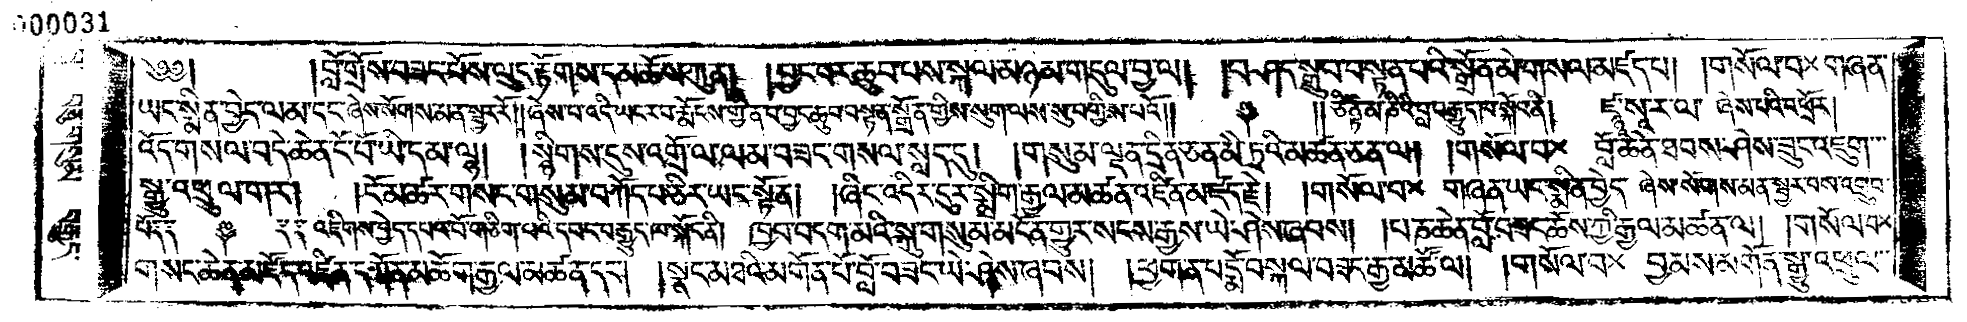༄༅། །བློ་གྲོས་བཟང་པོས་ལུང་རྟོགས་དམ་ཆོས་ཀུན། །བྱང་བར་ཆུབ་པས་སྐལ་མཉམ་གདུལ་བྱ་ལ། །བཤད་སྒྲུབ་བསྟན་པའི་སྒྲོན་མེ་གསལ་མཛད་པ། །གསོལ་བ྾་གཞན་
ཡང་སྨིན་བྱེད་ལམ་དང་ཞེས་སོགས་མན་སྦྱར་རོ། །ཞེས་པ་འདི་ཡང་རབ་རྨོངས་གྱི་ན་བ་བྱང་ཆུབ་བསྟན་སྒྲོན་གྱིས་སུག་ལས་སུ་བགྱིས་པའོ།། ༈ །།ཙིནྟ་མ་ཎིའི་བླ་བརྒྱུད་ཁ་སྐོང་ནི། ཛྙཱ་སཱ་ར་ལ་ཞེས་པའི་འཕྲོར།
འོད་གསལ་བདེ་ཆེན་ངོ་བོ་ཡི་དམ་ལྷ། །སྙིགས་དུས་འགྲོ་ལ་ལམ་བཟང་གསལ་སླད་དུ། །གསུམ་ལྡན་དྲིན་ཅན་མཻ་ཏྲའི་མཚན་ཅན་ལ། །གསོལ་བ྾་བློ་ཆེན་ཐབས་ཤེས་ཟུང་འཇུག་
སྒྱུ་འཕྲུལ་གར། །ངོ་མཚར་གསང་གསུམ་བཀོད་པ་ཅིར་ཡང་སྟོན། །ཞིང་འདིར་ངུར་སྨྲིག་རྒྱལ་མཚན་འཛིན་མཛད་རྗེ། །གསོལ་བ྾་གཞན་ཡང་སྨིན་བྱེད་ཞེས་སོགས་མན་སྦྱར་བས་འགྲུབ་
པོ།།༈ །།འཇིགས་བྱེད་དཔའ་བོ་གཅིག་པའི་དབང་བརྒྱུད་ཁ་སྐོང་ནི། ཁྱབ་བདག་མའི་སྐུ་གསུམ་མངོན་གྱུར་སངས་རྒྱས་ཡེ་ཤེས་ཞབས། །པཎ་ཆེན་བློ་བཟང་ཆོས་ཀྱི་རྒྱལ་མཚན་ལ། །གསོལ་བ་
གསང་ཆེན་མཛོད་འཛིན་དཀོན་མཆོག་རྒྱལ་མཚན་དང་། །སྣང་མཐའི་མགོན་པོ་བློ་བཟང་ཡེ་ཤེས་ཞབས། །ཕྱག་ན་པདམོ་བསྐལ་བཟང་རྒྱ་མཚོ་ལ། །གསོལ་བ྾་བྱམས་མགོན་སྒྱུ་འཕྲུལ་